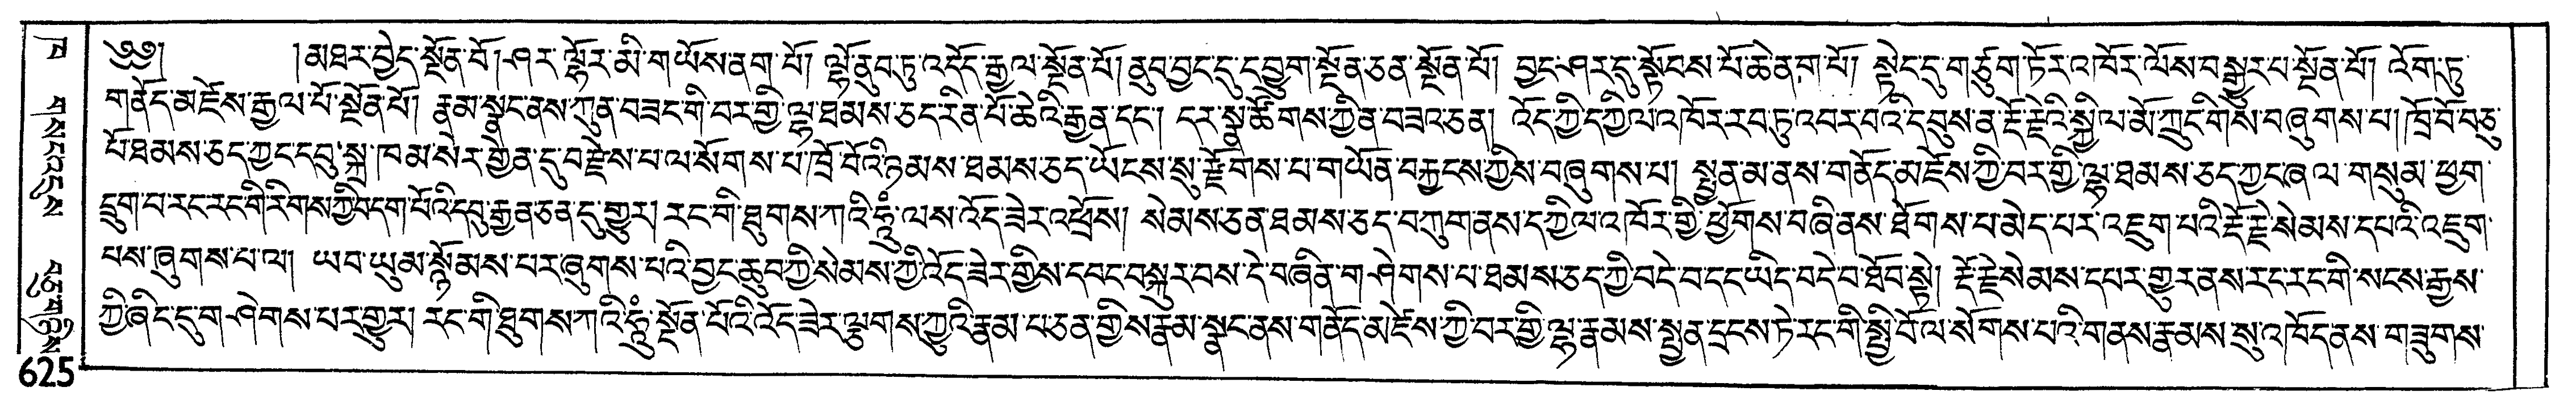༄༅། །མཐར་བྱེད་སྔོན་པོ། ཤར་ལྷོར་མི་གཡོས་ནག་པོ། ལྷོ་ནུབ་ཏུ་འདོད་རྒྱལ་སྔོན་པོ། ནུབ་བྱང་དུ་དབྱུག་སྔོན་ཅན་སྔོན་པོ། བྱང་ཤར་དུ་སྟོབས་པོ་ཆེ་ནག་པོ། སྟེང་དུ་གཙུག་ཏོར་འཁོར་ལོས་བསྒྱུར་པ་སྔོན་པོ། འོག་ཏུ་
གནོད་མཛེས་རྒྱལ་པོ་སྔོན་པོ། རྣམ་སྣང་ནས་ཀུན་བཟང་གི་བར་གྱི་ལྷ་ཐམས་ཅད་རིན་པོ་ཆེའི་རྒྱན་དང་། དར་སྣ་ཚོགས་ཀྱི་ན་བཟའ་ཅན། འོད་ཀྱི་དཀྱིལ་འཁོར་རབ་ཏུ་འབར་བའི་དབུས་ན་རྡོ་རྗེའི་སྐྱིལ་མོ་ཀྲུང་གིས་བཞུགས་པ། ཁྲོ་བོ་བཅུ་
པོ་ཐམས་ཅད་ཀྱང་དབུ་སྐྲ་ཁམ་སེར་གྱེན་དུ་བརྫེས་པ་ལ་སོགས་པ་ཁྲོ་བོའི་ཉམས་ཐམས་ཅད་ཡོངས་སུ་རྫོགས་པ་གཡོན་བརྐྱངས་ཀྱིས་བཞུགས་པ། སྤྱན་མ་ནས་གནོད་མཛེས་ཀྱི་བར་གྱི་ལྷ་ཐམས་ཅད་ཀྱང་ཞལ་གསུམ་ཕྱག་
དྲུག་པ་རང་རང་གི་རིགས་ཀྱི་བདག་པོའི་དབུ་རྒྱན་ཅན་དུ་གྱུར། རང་གི་ཐུགས་ཀའི་ཧཱུཾ་ལས་འོད་ཟེར་འཕྲོས། སེམས་ཅན་ཐམས་ཅད་བཀུག་ནས་དཀྱིལ་འཁོར་གྱི་ཕྱོགས་བཞི་ནས་ཐོགས་པ་མེད་པར་འཇུག་པའི་རྡོ་རྗེ་སེམས་དཔའི་འཇུག་
པས་ཞུགས་པ་ལ། ཡབ་ཡུམ་སྙོམས་པར་ཞུགས་པའི་བྱང་ཆུབ་ཀྱི་སེམས་ཀྱི་འོད་ཟེར་གྱིས་དབང་བསྐུར་བས་དེ་བཞིན་གཤེགས་པ་ཐམས་ཅད་ཀྱི་བདེ་བ་དང་ཡིད་བདེ་བ་ཐོབ་སྟེ། རྡོ་རྗེ་སེམས་དཔར་གྱུར་ནས་རང་རང་གི་སངས་རྒྱས་
ཀྱི་ཞིང་དུ་གཤེགས་པར་གྱུར། རང་གི་ཐུགས་ཀའི་ཧཱུཾ་སྔོན་པོའི་འོད་ཟེར་ལྕགས་ཀྱུའི་རྣམ་པ་ཅན་གྱིས་རྣམ་སྣང་ནས་གནོད་མཛེས་ཀྱི་བར་གྱི་ལྷ་རྣམས་སྤྱན་དྲངས་ཏེ་རང་གི་སྤྱི་བོ་ལ་སོགས་པའི་གནས་རྣམས་སུ་འཁོད་ནས་གཟུགས་